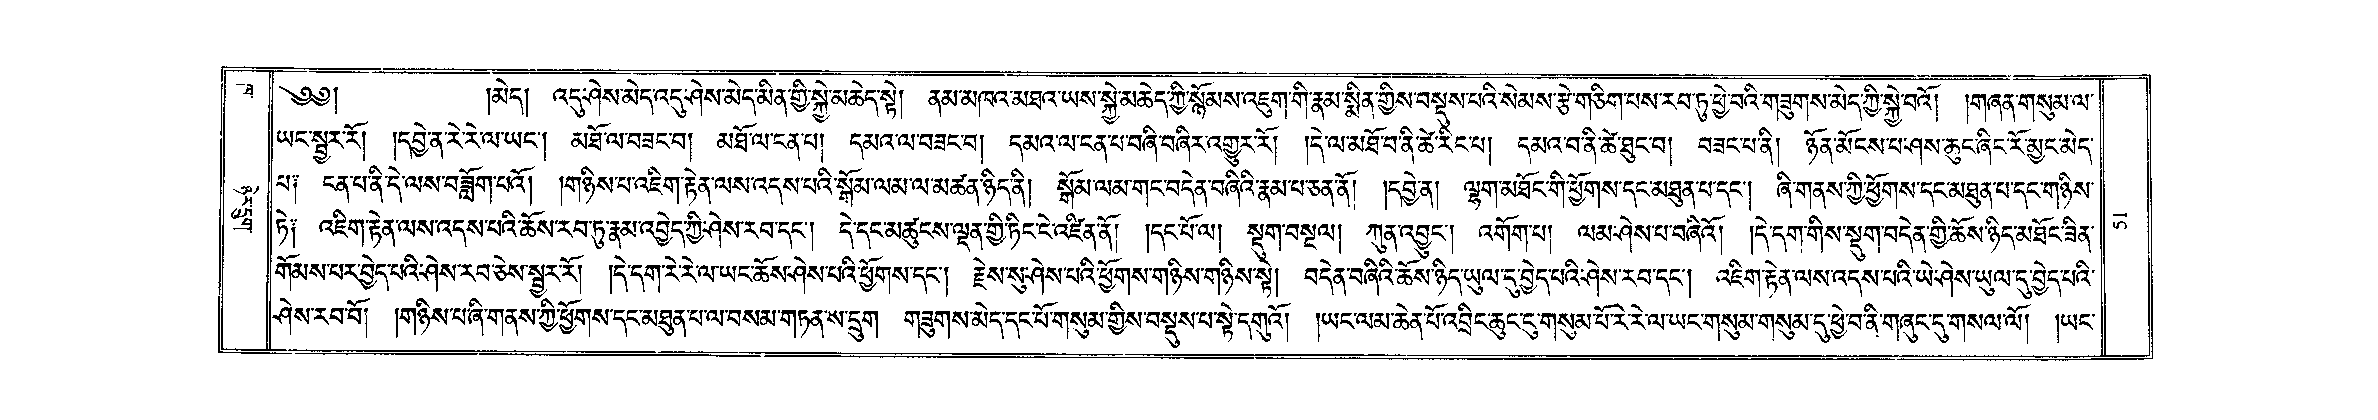༄༅། །མེད། འདུ་ཤེས་མེད་འདུ་ཤེས་མེད་མིན་གྱི་སྐྱེ་མཆེད་སྟེ། ནམ་མཁའ་མཐའ་ཡས་སྐྱེ་མཆེད་ཀྱི་སྙོམས་འཇུག་གི་རྣམ་སྨིན་གྱིས་བསྡུས་པའི་སེམས་རྩེ་གཅིག་པས་རབ་ཏུ་ཕྱེ་བའི་གཟུགས་མེད་ཀྱི་སྐྱེ་བའོ། །གཞན་གསུམ་ལ་
ཡང་སྦྱར་རོ། །དབྱེ་ན་རེ་རེ་ལ་ཡང་། མཐོ་ལ་བཟང་བ། མཐོ་ལ་ངན་པ། དམའ་ལ་བཟང་བ། དམའ་ལ་ངན་པ་བཞི་བཞིར་འགྱུར་རོ། །དེ་ལ་མཐོ་བ་ནི་ཚེ་རིང་པ། དམའ་བ་ནི་ཚེ་ཐུང་བ། བཟང་པ་ནི། ཉོན་མོངས་པ་ཤས་ཆུང་ཞིང་རོ་མྱང་མེད་
པ༑ ངན་པ་ནི་དེ་ལས་བཟློག་པའོ། །གཉིས་པ་འཇིག་རྟེན་ལས་འདས་པའི་སྒོམ་ལམ་ལ་མཚན་ཉིད་ནི། སྒོམ་ལམ་གང་བདེན་བཞིའི་རྣམ་པ་ཅན་ནོ། །དབྱེ་ན། ལྷག་མཐོང་གི་ཕྱོགས་དང་མཐུན་པ་དང་། ཞི་གནས་ཀྱི་ཕྱོགས་དང་མཐུན་པ་དང་གཉིས་
ཏེ༑ འཇིག་རྟེན་ལས་འདས་པའི་ཆོས་རབ་ཏུ་རྣམ་འབྱེད་ཀྱི་ཤེས་རབ་དང་། དེ་དང་མཚུངས་ལྡན་གྱི་ཏིང་ངེ་འཛིན་ནོ། །དང་པོ་ལ། སྡུག་བསྔལ། ཀུན་འབྱུང་། འགོག་པ། ལམ་ཤེས་པ་བཞིའོ། །དེ་དག་གིས་སྡུག་བདེན་གྱི་ཆོས་ཉིད་མཐོང་ཟིན་
གོམས་པར་བྱེད་པའི་ཤེས་རབ་ཅེས་སྦྱར་རོ། །དེ་དག་རེ་རེ་ལ་ཡང་ཆོས་ཤེས་པའི་ཕྱོགས་དང་། རྗེས་སུ་ཤེས་པའི་ཕྱོགས་གཉིས་གཉིས་སྟེ། བདེན་བཞིའི་ཆོས་ཉིད་ཡུལ་དུ་བྱེད་པའི་ཤེས་རབ་དང་། འཇིག་རྟེན་ལས་འདས་པའི་ཡེ་ཤེས་ཡུལ་དུ་བྱེད་པའི་
ཤེས་རབ་བོ། །གཉིས་པ་ཞི་གནས་ཀྱི་ཕྱོགས་དང་མཐུན་པ་ལ་བསམ་གཏན་ས་དྲུག་གཟུགས་མེད་དང་པོ་གསུམ་གྱིས་བསྡུས་པ་སྟེ་དགུའོ། །ཡང་ལམ་ཆེན་པོ་འབྲིང་ཆུང་ངུ་གསུམ་པོ་རེ་རེ་ལ་ཡང་གསུམ་གསུམ་དུ་ཕྱེ་བ་ནི་གཞུང་དུ་གསལ་ལོ། །ཡང་